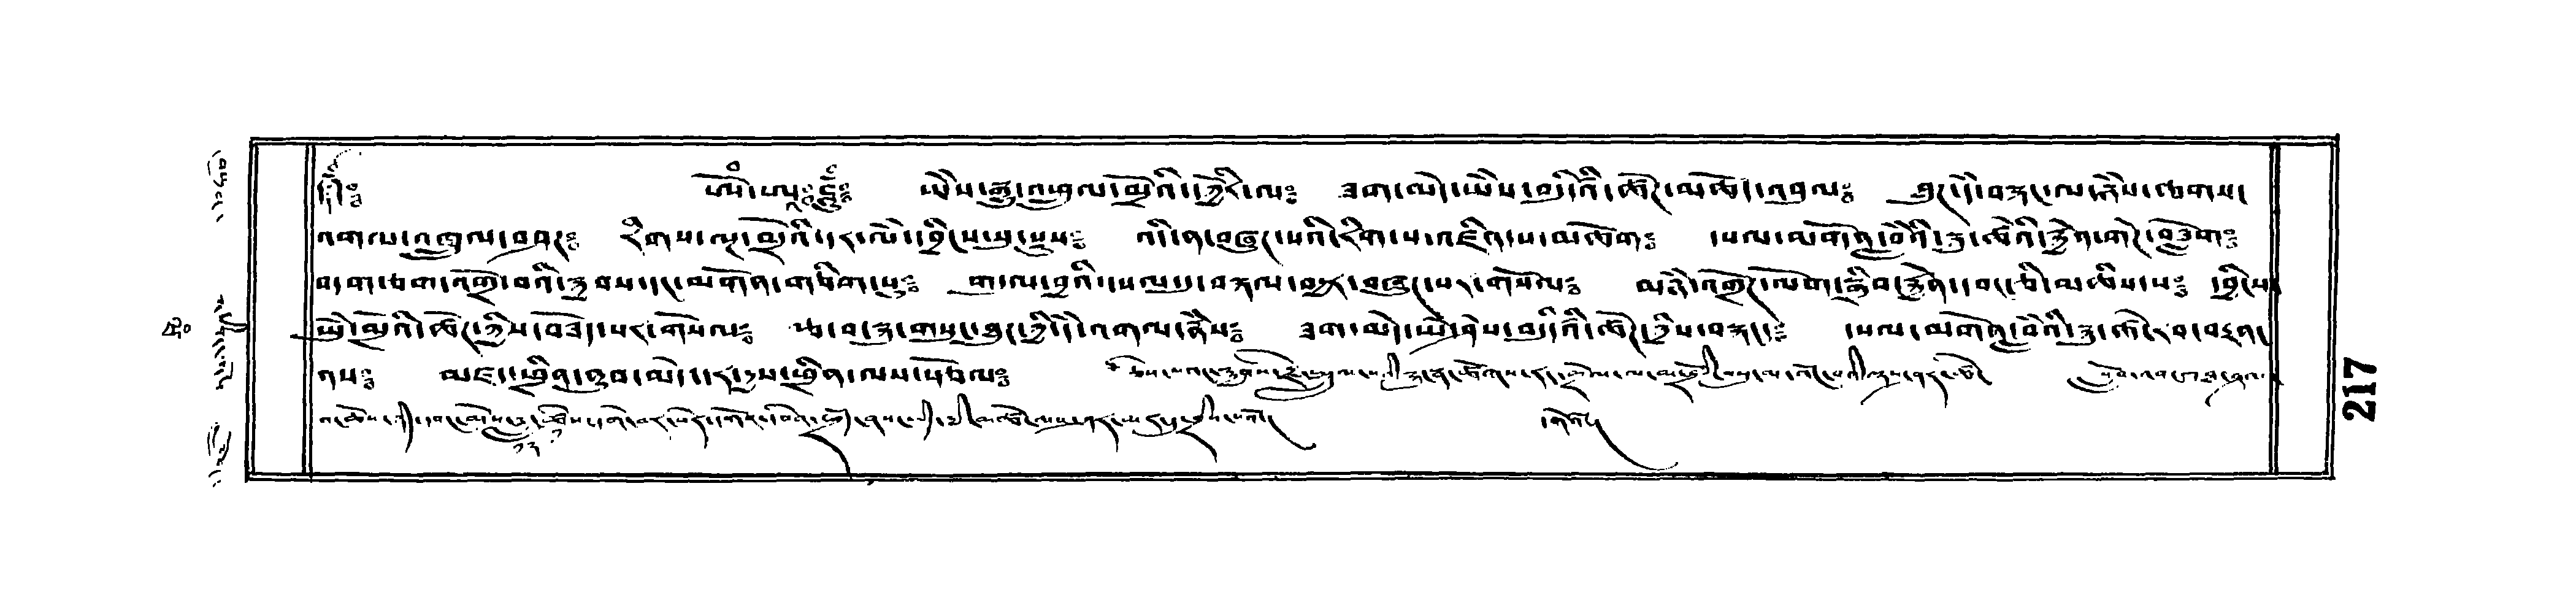ཨོཾ་ཨཱཿཧཱུྃ༔ ཡེ་ཤེས་སྒྱུ་འཕྲུལ་མཁའ་འགྲོའི་དཀྱིལ་འཁོར་ལ༔ ཟག་མེད་ཡེ་ཤེས་བདུད་རྩིའི་ཚོགས་མཆོད་འབུལ༔ ཐུགས་དམ་བསྐང་ལ་ཉམས་ཆགས་
འགལ་འཁྲུལ་བཤགས༔ རིགས་ལྔ་མཁའ་འགྲོའི་དར་ལམ་དབྱིངས་སུ་སྡུས༔ འདི་ན་བཞུགས་པའི་རིག་པ་འཛིན་པ་མཆོག༔ དཔལ་མགོན་བླ་མའི་སྐུ་ཚེའི་རྐྱེན་གེགས་བཟློག༔ 
བདག་ཅག་འགྲོ་བའི་སྐྱབས་དང་མགོན་གཅིག་པུ༔ གདུལ་བྱའི་དཔལ་དུ་བསྐལ་བརྒྱར་བཞུགས་པར་གསོལ༔ མཉམ་འགྲོགས་ལོག་སྒྲིབ་རྐྱེན་དབང་ཅི་མཆིས་པ༔ དབྱིངས་
ཡུམ་མཁའ་འགྲོའི་ཚོགས་ཀྱིས་བཟོད་པར་གསོལ༔ རྩ་བ་སྐུ་གསུང་ཐུགས་ཀྱི་དམ་འགལ་རྣམས༔ ཟག་མེད་ཡེ་ཤེས་བདུད་རྩིའི་ཚོགས་ཀྱིས་བསྐང༔ དཔལ་མགོན་བླ་མའི་སྐུ་ཚེ་རབ་བརྟན་
ནས༔ མཛད་ཕྲིན་ནུབ་མེད་དར་རྒྱས་ཕྲིན་ལས་སྩོལ༔ ཅེས་པའང་སྐྱབས་རྗེ་སྤྲུལ་བའི་སྐུ་སྣ་ཚོགས་རང་གྲོལ་ལ་མཁའ་འགྲོའི་བསུ་མ་འོང་བའི་ལྟས་ཤར་ཚེ། སློབ་འབངས་ཐ་ཤལ་པ་
ཆོས་ཉིད་དབང་མོས་ཟླ་༡༢ ཚེས་༡ དགེ་བར་སེར་དགོན་དབེན་ཁྲོད་ནས་ཡིད་ཀྱི་མཚོ་ལས་ཤར་མར་དུ་བྲིས་པའོ།། དགེའོ།།